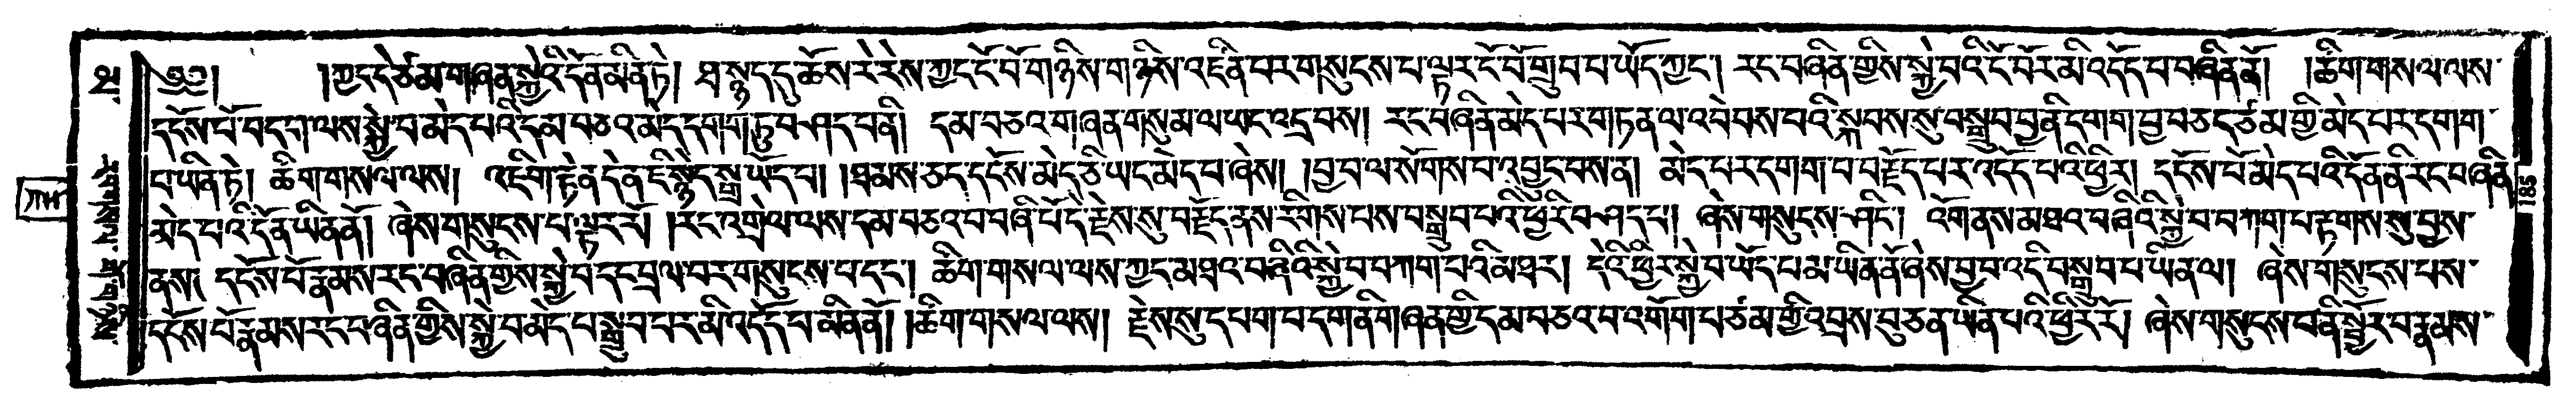༄༅། །ཀྱང་དེ་ཙམ་གཞན་སྐྱེའི་དོན་མིན་ཏེ། ཐ་སྙད་དུ་ཆོས་རེ་རེས་ཀྱང་ངོ་བོ་གཉིས་གཉིས་འཛིན་པར་གསུངས་པ་ལྟར་ངོ་བོ་གྲུབ་པ་ཡོད་ཀྱང་། རང་བཞིན་གྱིས་སྐྱེ་བའི་ངོ་བོར་མི་འདོད་པ་བཞིན་ནོ། །ཚིག་གསལ་ལས་
དངོས་པོ་བདག་ལས་སྐྱེ་བ་མེད་པའི་དམ་བཅའ་མེད་དགག་ཏུ་བཤད་པ་ནི། དམ་བཅའ་གཞན་གསུམ་ལ་ཡང་འདྲ་བས། རང་བཞིན་མེད་པར་གཏན་ལ་འབེབས་པའི་སྐབས་སུ་བསྒྲུབ་བྱ་ནི་དགག་བྱ་བཅད་ཙམ་གྱི་མེད་པར་དགག་
པ་ཡིན་ཏེ། ཚིག་གསལ་ལས། འཇིག་རྟེན་དེ་ན་ཇི་སྙེད་སྒྲ་ཡོད་པ། །ཐམས་ཅད་དངོས་མེད་ཅི་ཡང་མེད་པ་ཞེས། །བྱ་བ་ལ་སོགས་པ་འབྱུང་བས་ན། མེད་པར་དགག་པ་བརྗོད་པར་འདོད་པའི་ཕྱིར། དངོས་པོ་མེད་པའི་དོན་ནི་རང་བཞིན་
མེད་པའི་དོན་ཡིན་ནོ། ཞེས་གསུངས་པ་ལྟར་རོ། །རང་འགྲེལ་ལས་དམ་བཅའ་བ་བཞི་པོ་དེ་རྗེས་སུ་བརྗེད་ནས་རིགས་པས་བསྒྲུབ་པའི་ཕྱིར་བཤད་པ། ཞེས་གསུངས་ཤིང་། འོག་ནས་མཐའ་བཞིའི་སྐྱེ་བ་བཀག་པ་རྟགས་སུ་བྱས་
ནས། དངོས་པོ་རྣམས་རང་བཞིན་གྱིས་སྐྱེ་བ་དང་བྲལ་བར་གསུངས་པ་དང་། ཚིག་གསལ་ལས་ཀྱང་མཐའ་བཞིའི་སྐྱེ་བ་བཀག་པའི་མཐར། དེའི་ཕྱིར་སྐྱེ་བ་ཡོད་པ་མ་ཡིན་ནོ་ཞེས་བྱ་བ་འདི་བསྒྲུབ་པ་ཡིན་ལ། ཞེས་གསུངས་པས་
དངོས་པོ་རྣམས་རང་བཞིན་གྱིས་སྐྱེ་བ་མེད་པ་སྒྲུབ་པར་མི་འདོད་པ་མིན་ནོ། །ཚིག་གསལ་ལས། རྗེས་སུ་དཔག་པ་དག་ནི་གཞན་གྱི་དམ་བཅའ་བ་འགོག་པ་ཙམ་གྱི་འབྲས་བུ་ཅན་ཡིན་པའི་ཕྱིར་རོ། ཞེས་གསུངས་པ་ནི་སྦྱོར་བ་རྣམས་